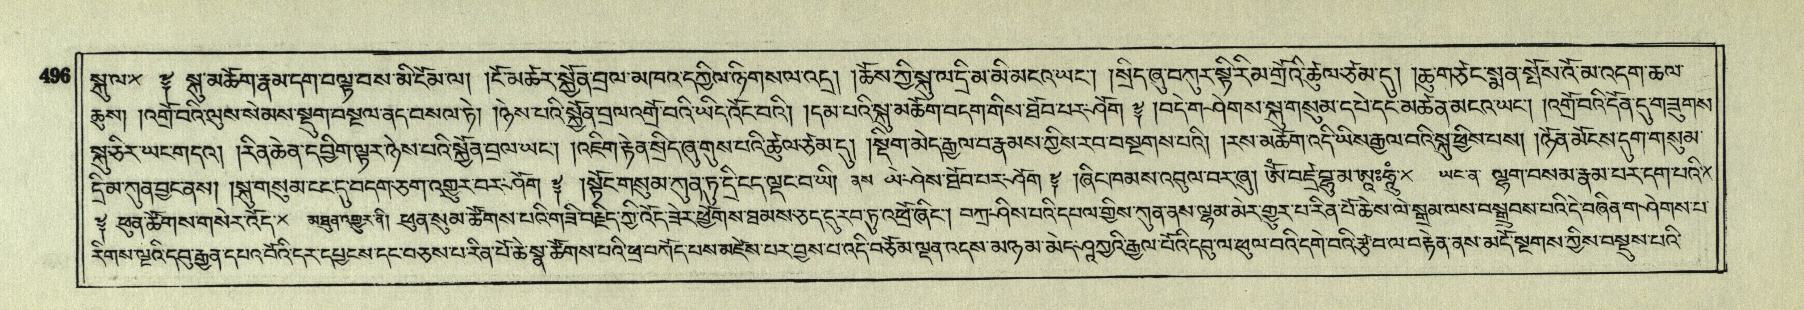སྐུ་ལ་྾་འ་སྐུ་མཆོག་རྣམ་དག་བལྟ་བས་མི་ངོམ་ལ། །ངོ་མཚར་སྐྱོན་བྲལ་མཁའ་དཀྱིལ་ཉི་གསལ་འདྲ། །ཆོས་ཀྱི་སྐུ་ལ་དྲི་མ་མི་མངའ་ཡང་། །སྲིད་ཞུ་བཀུར་སྟི་རིམ་གྲོའི་ཚུལ་ཙམ་དུ། །ཆུ་གཙང་སྨན་སྤོས་འོ་མ་འདག་ཆལ་
ཆུས། །འགྲོ་བའི་ལུས་སེམས་སྡུག་བསྔལ་ནད་བསལ་ཏེ། །ཉེས་པའི་སྐྱོན་བྲལ་འགྲོ་བའི་ཡིད་འོང་བའི། །དམ་པའི་སྐུ་མཆོག་བདག་གིས་ཐོབ་པར་ཤོག་འ་།བདེ་གཤེགས་སྐུ་གསུམ་དཔེ་དང་མཚན་མངའ་ཡང་། །འགྲོ་བའི་དོན་དུ་གཟུགས་
སྐུ་ཅིར་ཡང་གདའ། །རིན་ཆེན་དབྱིག་ལྟར་ཉེས་པའི་སྐྱོན་བྲལ་ཡང་། །འཇིག་རྟེན་སྲིད་ཞུ་གུས་པའི་ཚུལ་ཙམ་དུ། །སྡིག་མེད་རྒྱལ་བ་རྣམས་ཀྱིས་རབ་བསྔགས་པའི། །རས་མཆོག་འདི་ཡིས་རྒྱལ་བའི་སྐུ་ཕྱིས་པས། །ཉོན་མོངས་དུག་གསུམ་
དྲི་མ་ཀུན་བྱང་ནས། །སྐུ་གསུམ་ངང་དུ་བདག་ཅག་འགྱུར་བར་ཤོག་འ་།སྟོང་གསུམ་ཀུན་ཏུ་དྲི་ངད་ལྡང་བ་ཡི། ནས་ཡེ་ཤེས་ཐོབ་པར་ཤོག་འ་།ཞིང་ཁམས་འབུལ་བར་ཞུ། ཨོཾ་བཛྲ་བྷུ་མ་ཨཱཿཧཱུཾ་྾་ཡང་ན་ལྷག་བསམ་རྣམ་པར་དག་པའི་྾་
འ་ཕུན་ཚོགས་གསེར་འོད་྾་མཐུན་འགྱུར་ནི།  ཕུན་སུམ་ཚོགས་པའི་གཟི་བརྗིད་ཀྱི་འོད་ཟེར་ཕྱོགས་ཐམས་ཅད་དུ་རབ་ཏུ་འཕྲོ་ཞིང་། བཀྲ་ཤིས་པའི་དཔལ་གྱིས་ཀུན་ནས་ལྷམ་མེར་གྱུར་པ་རིན་པོ་ཆེ་ས་ལེ་སྒྲམ་ལས་བསྒྲུབས་པའི་དེ་བཞིན་གཤེགས་པ་
རིགས་ལྔའི་དབུ་རྒྱན་དཔའ་བོའི་དར་དཔྱངས་དང་བཅས་པ་རིན་པོ་ཆེ་སྣ་ཚོགས་པའི་ཕྲ་བཀོད་པས་མཛེས་པར་བྱས་པ་འདི་བཅོམ་ལྡན་འདས་མཉམ་མེད་ཤཱཀྱའི་རྒྱལ་པོའི་དབུ་ལ་ཕུལ་བའི་དགེ་བའི་རྩ་བ་ལ་བརྟེན་ནས་མདོ་སྔགས་ཀྱིས་བསྡུས་པའི་